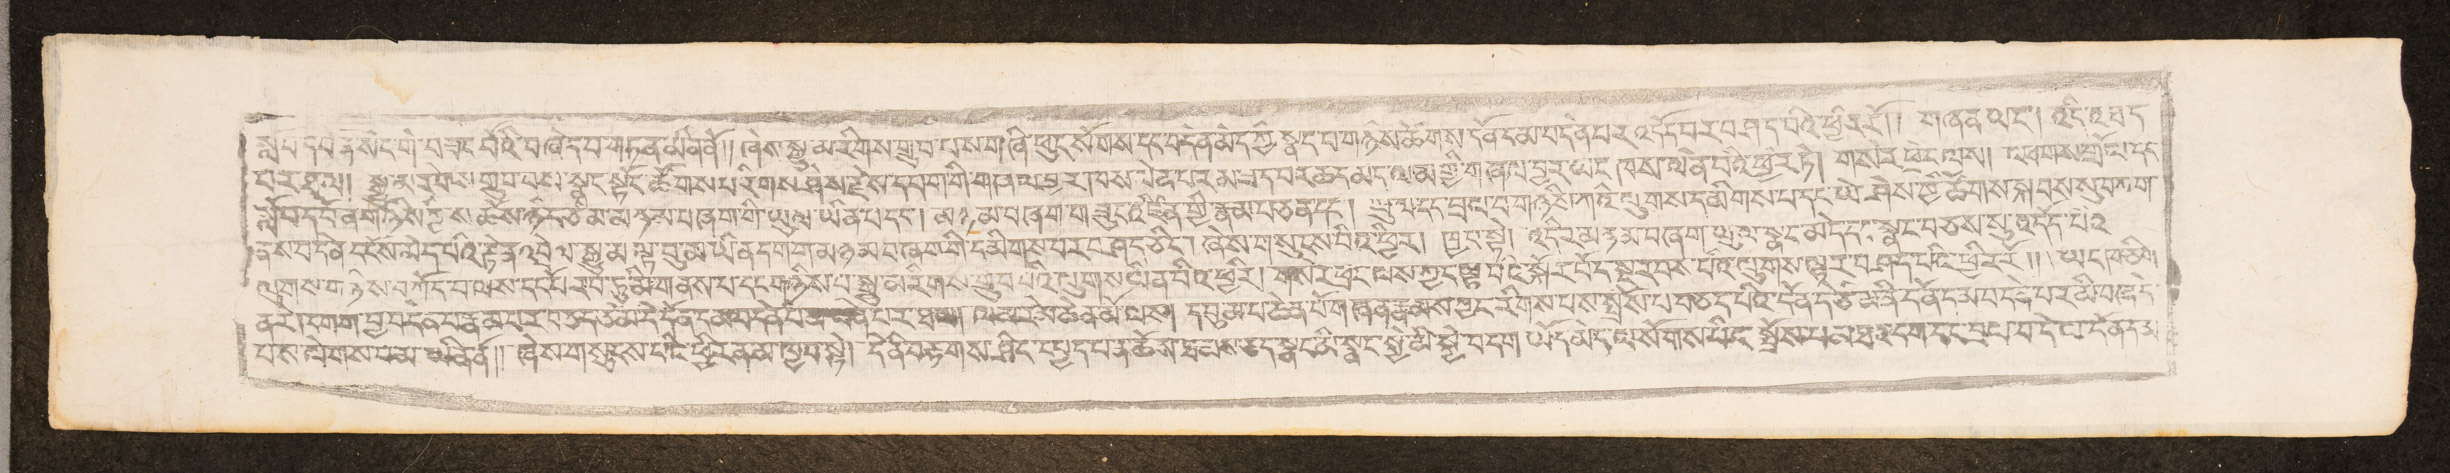སློབ་དཔོན་སེང་གེ་བཟང་པོའི་བཞེད་པ་གཏན་མིན་ནོ། །ཞེས་སྒྱུ་མ་རིགས་གྲུབ་པས་གཞི་ཕུང་སོགས་དང་བདེན་མེད་ཀྱི་སྣང་བ་གཉིས་ཚོགས་དོན་དམ་བདེན་པར་འདོད་པར་བཤད་པའི་ཕྱིར་རོ། གཞན་ཡང་། འདི་འཐད་
པར་ཐལ། སྒྱུ་མ་རིགས་གྲུབ་པས་སྣང་སྟོང་ཚོགས་པ་རིགས་ཤེས་རྗེས་དཔག་གི་གཞལ་བྱས་ཁས་ལེན་པར་མ་ཟད་བར་ཆད་མེད་ལམ་གྱི་གཞལ་བྱར་ཡང་ཁས་ལེན་པའི་ཕྱིར་ཏེ། གསེར་ཕྲེང་ལས། འཕགས་གྲོལ་དང་
སློབ་དཔོན་གཉིས་ཀྱི་ས་ཆོས་ཉིད་ཙམ་མཉམ་བཞག་གི་ཡུལ་ཡིན་པ་དང་། མཉམ་བཞག་གསུང་འཛིན་གྱི་རྣམ་པ་ཅན་དང་། ཡུལ་དང་བྲལ་བ་གཉིས་ཀའི་ལུགས་དམིགས་པ་དང་ཡེ་ཤེས་ཀྱི་ཚོགས་སྐབས་སུ་བཀག་
ནས་བདེན་དངོས་མེད་པའི་རྟེན་འབྲེལ་སྒྱུ་མ་ལྟ་བུ་མ་ཡིན་དགག་མཉམ་བཞག་གི་དམིགས་པར་བཤད་ཅིང་། ཞེས་གསུངས་པའི་ཕྱིར། ཁྱབ་སྟེ། འདིར་མཉམ་བཞག་ཡུལ་སྣང་མེད་དང་སྣང་བཅས་སུ་འདོད་པའོ། །
ལུགས་གཉིས་བཀོད་པ་ལས་དང་པོ་རབ་ཏུ་མི་གནས་པ་དང་གཉིས་བ་སྒྱུ་མ་རིགས་གྲུབ་ཡིན་པའི་ཕྱིར། གསེར་ཕྲེང་ལས་ཀྱང་ལྟ་བའི་སྐོར་བོད་སྔ་རབས་པའི་ལུགས་ལྟར་བཤད་པའི་ཕྱིར་རོ། །ཡང་ཁ་ཅིག་
ན་རེ། དགག་བྱ་བདེན་པ་རྣམ་པར་བཅད་ཙམ་དེ་དོན་དམ་བདེན་པ་མ་ཡིན་པར་ཐལ། ལམ་རིམ་ཆེན་མོ་ལས། དབུ་མ་པ་ཆེན་པོ་གཞན་རྣམས་ཀྱང་རིགས་པས་སྤྲོས་པ་བཅད་པའི་དོན་དེ་ཙོ་མ་ནི་དམ་བདེན་པར་མི་བཞེད་
པས་ལེགས་པ་མ་ཡིན་ནོ། །ཞེས་གསུངས་པའི་ཕྱིར་ནམ་ཁྱབ་སྟེ། དེ་ནི་བརྟག་ཤིང་དཔྱད་པ་ན་ཆོས་ཐམས་ཅད་སྣང་མི་སྣང་སྐྱེ་མེ་སྐྱེ་བདག་ཡོད་མེད་ལ་སོགས་པའི་སྤྲོས་པ་མཐའ་དག་དང་བྲལ་བ་དེ་ལ་དོན་དམ་